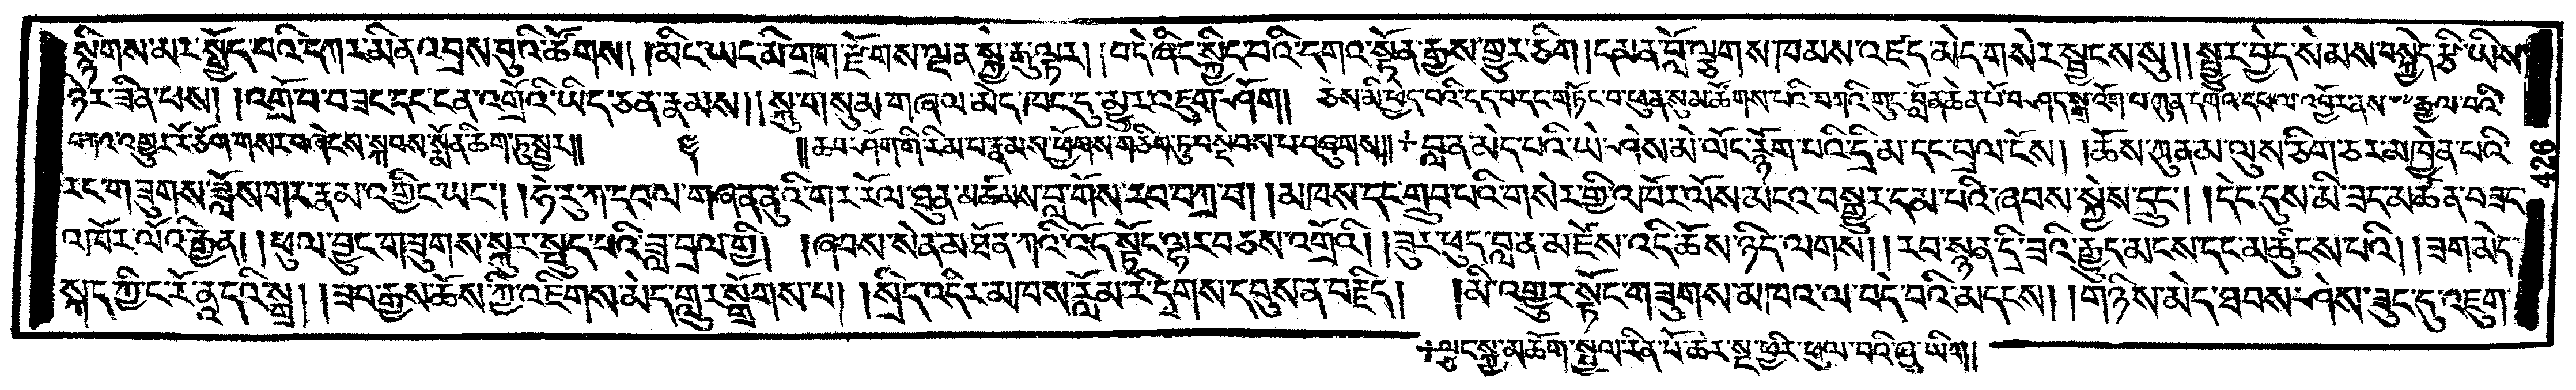སྙིགས་མར་སྤྱོད་པའི་དཀར་མིན་འབྲས་བུའི་ཚོགས། །མིང་ཡང་མི་གྲག་རྫོགས་ལྡན་སྐྱེ་རྒུ་ལྟར། །བདེ་ཞིང་སྐྱིད་པའི་དགའ་སྟོན་རྒྱས་གྱུར་ཅིག །དམན་བློ་ལྕགས་ཁམས་འཛད་མེད་གསེར་སྦྱངས་སུ། །སྦྱུར་བྱེད་སེམས་བསྐྱེད་རྩི་ཡིས་
ཉེར་ཟིན་པས། །འགྲོ་བ་བཟང་དང་ངན་འགྲོའི་ཡིད་ཅན་རྣམས། །སྐུ་གསུམ་གཞལ་མེད་ཁང་དུ་མྱུར་འཇུག་ཤོག །ཅེས་མི་ཕྱེད་པའི་དད་པ་དང་གཏོང་བ་ཕུན་སུམ་ཚོགས་པའི་བཀའི་གུང་བློན་ཆེན་པོ་བཤད་སྒྲ་འོག་པ་ཀུན་དགའ་དཔལ་འབྱོར་ནས ༧་རྒྱལ་བའི་
བཀའ་འགྱུར་རོ་ཅོག་གསར་བཞེངས་སྐབས་སྨོན་ཚིག་ཏུ་སྦྱར།། ༈ །།ཆབ་ཤོག་གི་རིམ་པ་རྣམས་ཕྱོགས་གཅིག་ཏུ་བསྡེབས་པ་བཞུགས། །+བླ་ན་མེད་པའི་ཡེ་ཤེས་མེ་ལོང་རྙོག་པའི་དྲི་མ་དང་བྲལ་ངོས། །ཆོས་ཀུན་མ་ལུས་ཅིག་ཅར་མཁྱེན་པའི་
རང་གཟུགས་ཟློས་གར་རྣམ་འགྱིང་ཡང་། །ཧེ་རུ་ཀ་དཔལ་གཞན་ནུའི་གར་རོལ་ཐུན་མཚམས་བླ་གོས་རབ་བཀྲ་བ། །མཁས་དང་གྲུབ་པའི་གསེར་གྱི་འཁོར་ལོས་མངའ་བསྒྱུར་དམ་པའི་ཞབས་སྐྱེས་དྲུང་། །དེང་དུས་མི་ཟད་མཚན་བཟང་
འཁོར་ལོའི་རྒྱན། །ཕུལ་བྱུང་གཟུགས་སྐུར་སྤུད་པའི་ཟླ་བྲལ་གྱི། །ཞབས་སེན་མཐོན་ཀའི་འོད་སྟོང་ལྷར་བཅས་འགྲོའི། །ཟུར་ཕུད་བླ་ན་མཛེས་འདི་ཆོས་ཉིད་ལགས། །རབ་སྙན་དྲི་ཟའི་རྒྱུད་མངས་དང་མཚུངས་པའི། །ཟག་མེད་
སྐད་ཀྱི་ང་རོ་ནཱ་དའི་སྒྲ། །ཟབ་རྒྱས་ཆོས་ཀྱི་འཇིགས་མེད་གླུར་སྒྲོགས་པ། །སྲིད་འདིར་མཁས་རློམ་རི་དྭགས་དབུས་ན་བརྗིད། །མི་འགྱུར་སྟོང་གཟུགས་མཁའ་ལ་བདེ་བའི་མདངས། །གཉིས་མེད་ཐབས་ཤེས་ཟུང་དུ་འཇུག་